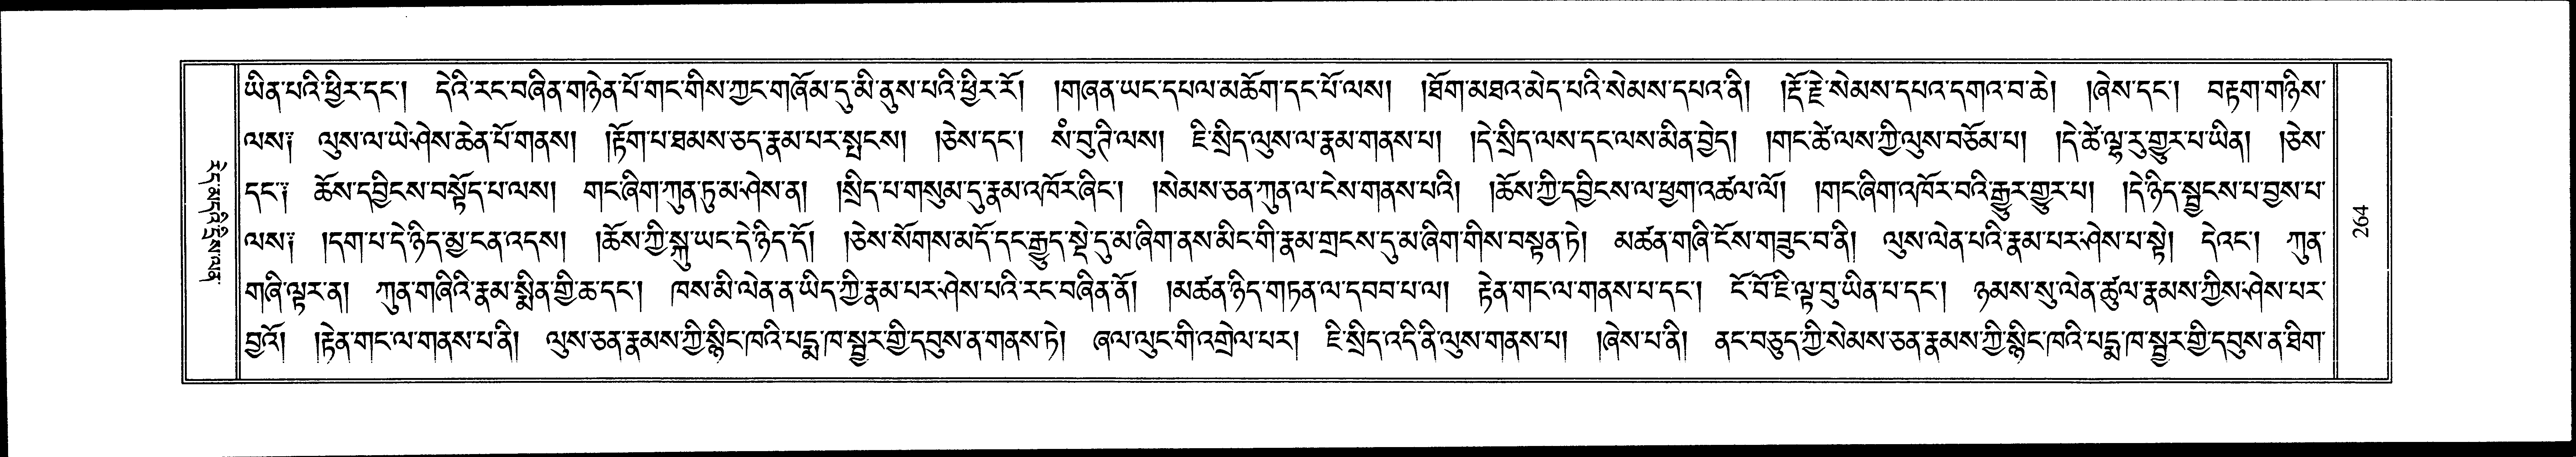ཡིན་པའི་ཕྱིར་དང་། དེའི་རང་བཞིན་གཉེན་པོ་གང་གིས་ཀྱང་གཞོམ་དུ་མི་ནུས་པའི་ཕྱིར་རོ། །གཞན་ཡང་དཔལ་མཆོག་དང་པོ་ལས། །ཐོག་མཐའ་མེད་པའི་སེམས་དཔའ་ནི། །རྡོ་རྗེ་སེམས་དཔའ་དགའ་བ་ཆེ། །ཞེས་དང་། བརྟག་གཉིས་
ལས། ལུས་ལ་ཡེ་ཤེས་ཆེན་པོ་གནས། །རྟོག་པ་ཐམས་ཅད་རྣམ་པར་སྤངས། །ཅེས་དང་། སཾ་བུ་ཊི་ལས། ཇི་སྲིད་ལུས་ལ་རྣམ་གནས་པ། །དེ་སྲིད་ལས་དང་ལས་མིན་བྱེད། །གང་ཚེ་ལས་ཀྱི་ལུས་བཅོམ་པ། །དེ་ཚེ་ལྷ་རུ་གྱུར་པ་ཡིན། །ཅེས་
དང་། ཆོས་དབྱིངས་བསྟོད་པ་ལས། གང་ཞིག་ཀུན་ཏུ་མ་ཤེས་ན། །སྲིད་པ་གསུམ་དུ་རྣམ་འཁོར་ཞིང་། །སེམས་ཅན་ཀུན་ལ་ངེས་གནས་པའི། །ཆོས་ཀྱི་དབྱིངས་ལ་ཕྱག་འཚལ་ལོ། །གང་ཞིག་འཁོར་བའི་རྒྱུར་གྱུར་པ། །དེ་ཉིད་སྦྱངས་པ་བྱས་པ་
ལས། །དག་པ་དེ་ཉིད་མྱ་ངན་འདས། །ཆོས་ཀྱི་སྐུ་ཡང་དེ་ཉིད་དོ། །ཅེས་སོགས་མདོ་དང་རྒྱུད་སྡེ་དུ་མ་ཞིག་ནས་མིང་གི་རྣམ་གྲངས་དུ་མ་ཞིག་གིས་བསྟན་ཏེ། མཚན་གཞི་ངོས་གཟུང་བ་ནི། ལུས་ལེན་པའི་རྣམ་པར་ཤེས་པ་སྟེ། དེའང་། ཀུན་
གཞི་ལྟར་ན། ཀུན་གཞིའི་རྣམ་སྨིན་གྱི་ཆ་དང་། ཁས་མི་ལེན་ན་ཡིད་ཀྱི་རྣམ་པར་ཤེས་པའི་རང་བཞིན་ནོ། །མཚན་ཉིད་གཏན་ལ་དབབ་པ་ལ། རྟེན་གང་ལ་གནས་པ་དང་། ངོ་བོ་ཇི་ལྟ་བུ་ཡིན་པ་དང་། ཉམས་སུ་ལེན་ཚུལ་རྣམས་ཀྱིས་ཤེས་པར་
བྱའོ། །རྟེན་གང་ལ་གནས་པ་ནི། ལུས་ཅན་རྣམས་ཀྱི་སྙིང་ཁའི་པདམ་ཁ་སྦྱར་གྱི་དབུས་ན་གནས་ཏེ། ཞལ་ལུང་གི་འགྲེལ་པར། ཇི་སྲིད་འདི་ནི་ལུས་གནས་པ། །ཞེས་པ་ནི། ནང་བཅུད་ཀྱི་སེམས་ཅན་རྣམས་ཀྱི་སྙིང་ཁའི་པདམ་ཁ་སྦྱར་གྱི་དབུས་ན་ཐིག་